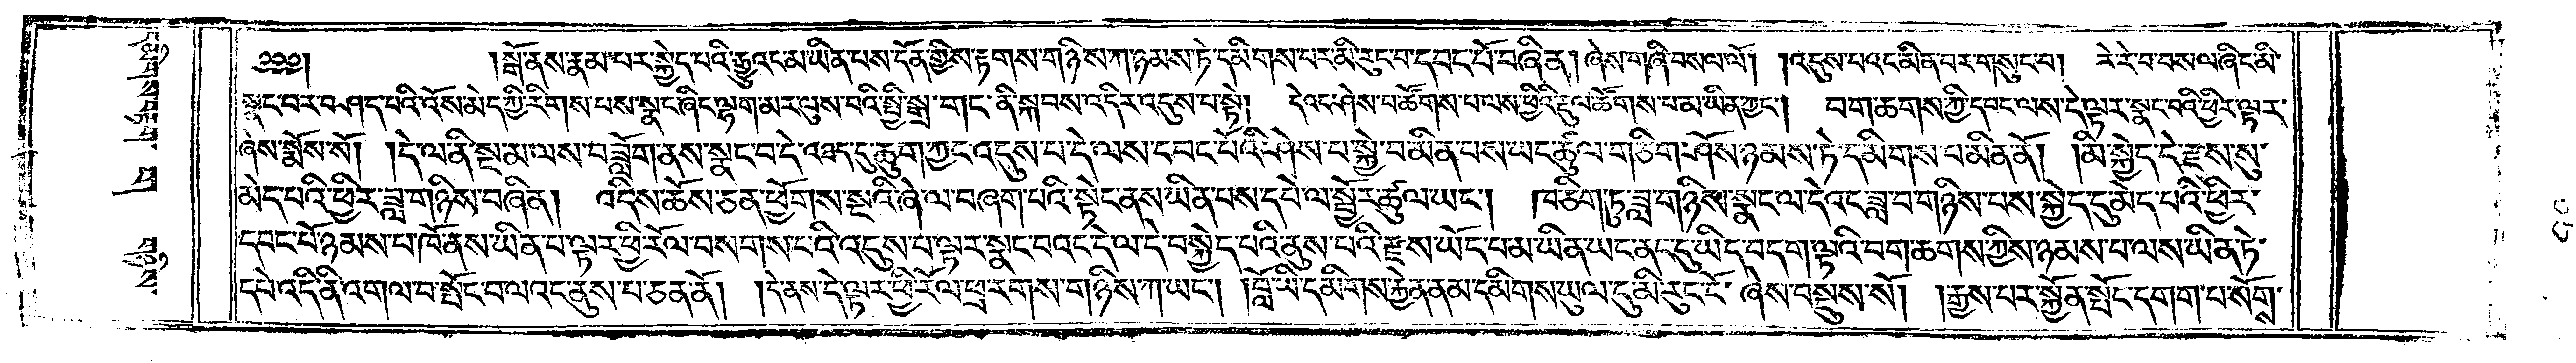༄༅། །སྒོ་ནས་རྣམ་པར་སྐྱེད་པའི་རྒྱུའང་མ་ཡིན་པས་དོན་གྱིས་རྟགས་གཉིས་ཀ་ཉམས་ཏེ་དམིགས་པར་མི་རུང་བ་དབང་པོ་བཞིན། ཞེས་གཞི་བསལ་ལོ། །འདུས་པའང་མིན་པར་གསུང་བ། རེ་རེ་བ་བསལ་ཞིང་མི་
སྣང་བར་བཤད་པའི་འོས་མེད་ཀྱི་རིགས་པས་སྣང་ཞིང་ལྷག་མར་ལུས་པའི་སྤྱི་སྒྲ་གང་ནི་སྐབས་འདིར་འདུས་པ་སྟེ། དེའང་ཤེས་པ་ཚོགས་པ་ལས་ཕྱིའི་རྡུལ་ཚོགས་པ་མ་ཡིན་ཀྱང་། བག་ཆགས་ཀྱི་དབང་ལས་དེ་ལྟར་སྣང་བའི་ཕྱིར་ལྟར་
ཞེས་སྨོས་སོ། །དེ་ལ་ནི་སྔ་མ་ལས་བཟློག་ནས་སྣང་བ་དེ་འཐད་དུ་ཆུག་ཀྱང་འདུས་པ་དེ་ལས་དབང་པོའི་ཤེས་པ་སྐྱེ་བ་མིན་པས་ཡང་ཚུལ་གཅིག་ཤོས་ཉམས་ཏེ་དམིགས་པ་མིན་ནོ། །མི་སྐྱེད་དེ་རྫས་སུ་
མེད་བའི་ཕྱིར་ཟླ་གཉིས་བཞིན། འདིས་ཆོས་ཅན་ཕྱོགས་སྔའི་ཞེ་ལ་བཞག་པའི་སྟེང་ནས་ཡིན་པས་དཔེ་ལ་སྦྱོར་ཚུལ་ཡང་། ཁ་ཅིག་ཏུ་ཟླ་གཉིས་སྣང་ལ་དེའང་ཟླ་བ་གཉིས་བས་སྐྱེད་དུ་མེད་པའི་ཕྱིར་
དབང་པོ་ཉམས་པ་ཁོ་ནས་ཡིན་པ་ལྟར་ཕྱི་རོལ་བསགས་བའི་འདུས་པ་ལྟར་སྣང་བའང་དེ་ལ་དེ་བསྐྱེད་པའི་ནུས་པའི་རྫས་ཡོད་པ་མ་ཡིན་ཡང་ནང་དུ་ཡིད་བདག་ལྟའི་བག་ཆགས་ཀྱིས་ཉམས་པ་ལས་ཡིན་ཏེ་
དཔེ་འདི་ནི་འགལ་བ་སྤོང་བ་ལའང་ནུས་པ་ཅན་ནོ། །དེ་ནས་དེ་ལྟར་ཕྱི་རོལ་ཕྲ་རགས་གཉིས་ཀ་ཡང་། །བློ་ཡི་དམིགས་རྐྱེན་ནམ་དམིགས་ཡུལ་དུ་མི་རུང་ངོ་ཞེས་བསྡུས་སོ། །རྒྱས་པར་སྐྱོན་སྤོང་དགག་པ་སོགས་